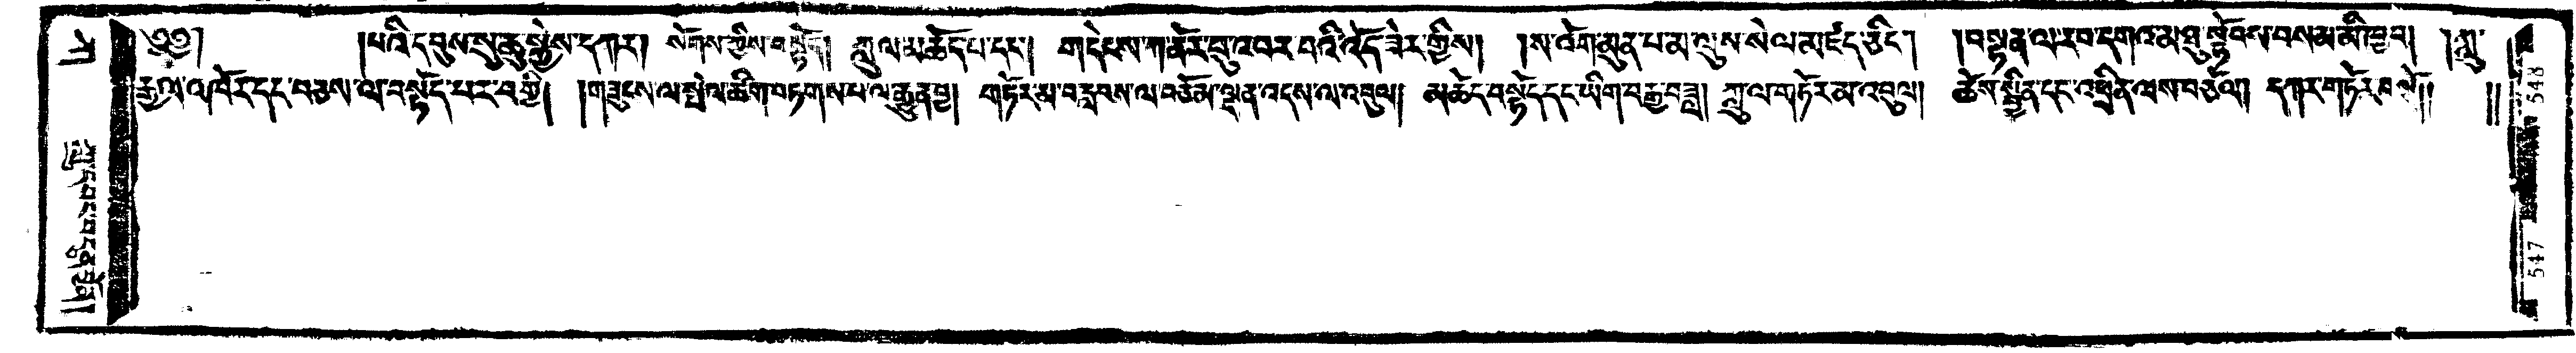༄༅། །པའི་དབུས་སུ་ཆུ་སྐྱེས་དཀར། སོགས་ཀྱིས་བསྟོད། ཀླུལ་མཆོད་པ་དང་། གདེངས་ཀ་ནོར་བུ་འབར་བའི་འོད་ཟེར་གྱིས། །ས་འོག་མུན་པ་མ་ལུས་སེལ་མཛད་ཅིང་། །བསྟན་ལ་རབ་དགའ་མཐུ་སྟོབས་བསམ་མི་ཁྱབ། །ཀླུ་
རྒྱལ་འཁོར་དང་བཅས་ལ་བསྟོད་པར་བགྱི། །གཟུངས་ལ་སྤེལ་ཚིག་བཏགས་པ་ལ་རྒྱུན་བྱ། གཏོར་མ་བརླབས་ལ་བཅོམ་ལྡན་འདས་ལ་འབུ། མཚོད་བསྟོད་དང་ཡིག་བརྒྱ་བཟླ། ཀླུ་ལ་གཏོར་མ་འབུལ། ཚེས་སྦྱིན་དང་འཕྲིན་ལས་བཅོལ། དཀར་གཏོར་བའོ།། །